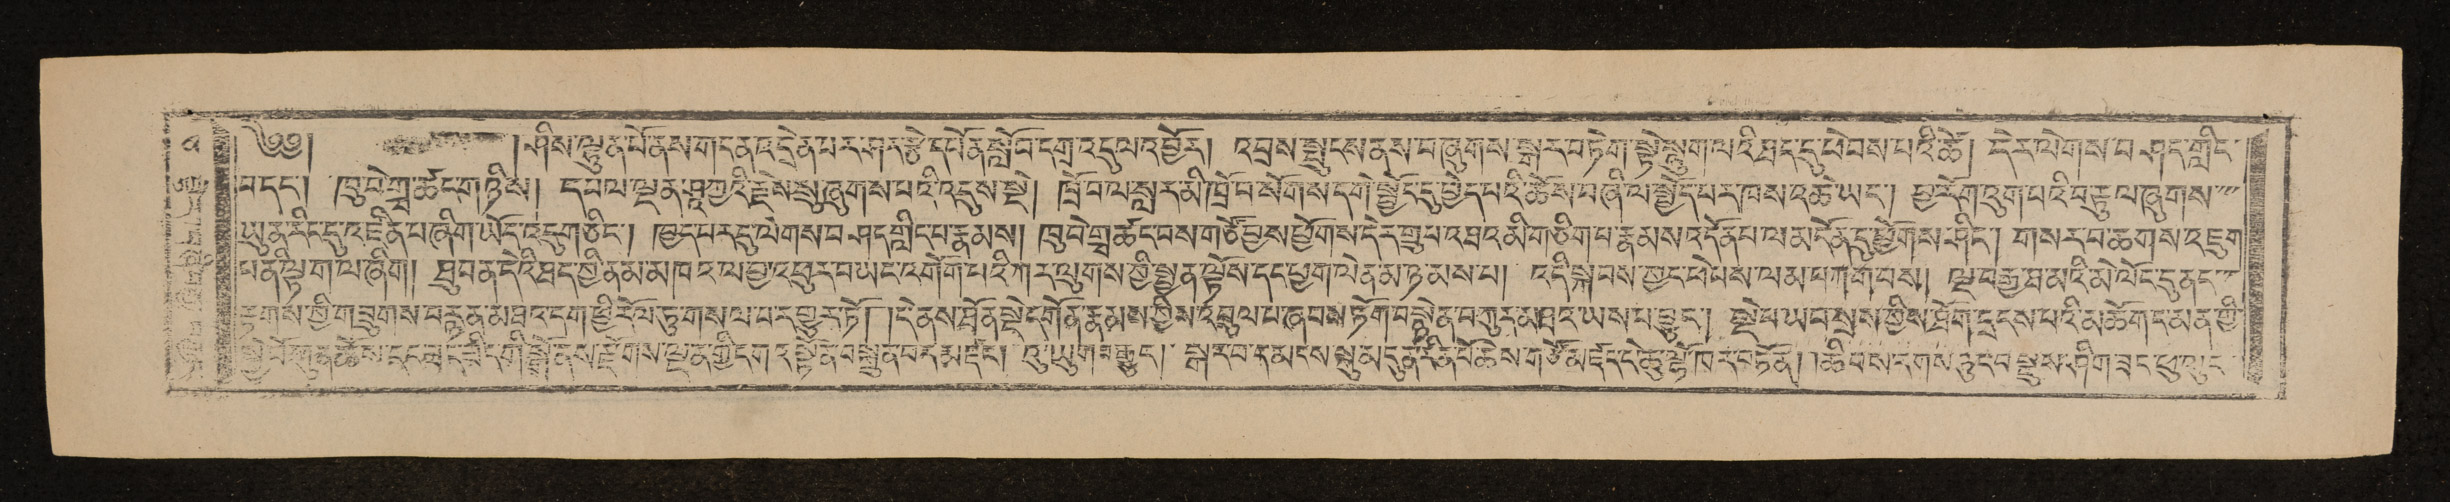༄༅། །ཤིས་ལྷུན་པོ་ནས་གདན་འདྲེན་པར་ཤར་རྩེ་དཔོན་སློབ་དགྲ་འདུལ་འབྱོར། འབྲས་སྤུངས་ནས་བཞུགས་སྒར་བཏེག་སྟེ་སྙུག་ལའི་ཐད་དུ་ཕེབས་པའི་ཚེ། དེར་ལེགས་བཤད་གླིང་
བ་དང་། ཁུ་བེ་གྲྭ་ཚང་གཉིས། དཔལ་ལྡན་ཤཱཀྱའི་རྗེས་སུ་ཞུགས་པའི་འདུས་སྡེ། ཁྲོ་བ་ལ་སླར་མི་ཁྲོ་བ་སོགས་དགེ་སྦྱོང་དུ་བྱེད་པའི་ཆོས་བཞི་ལ་སྤྱོད་པར་ཁས་འཆི་ཡང་། བྱ་རོག་འུག་པའི་བརྟུལ་ཞུགས་
ཡུན་རིང་དུ་འཛིན་པ་ཞིག་ཡོད་འདུག་ཅིང་། ཁྱད་པར་དུ་ལེགས་བཤད་གླིང་པ་རྣམས། ཁུ་བེ་གྲྭ་ཚང་བས་གཙོ་བྱས་ཕྱོགས་དེར་གྲུབ་འཐའ་མི་གཅིག་པ་རྣམས་འདོན་པ་ལ་མངོན་དུ་ཕྱོགས་ཤིང་། གསར་བ་ཆགས་འཇུག་
པ་ནི་ལྟ་ག་ལ་ཞིག། ཐུབ་ན་དེའི་ཐད་ཀྱི་ནམ་མཁའ་ལ་བྱ་འཕུར་བ་ཡང་འགོག་པའི་ཀར་ལུགས་ཀྱི་སྤྱན་ལྟོས་དང་ཕྱག་ལེན་མ་ཉམས་པ། འདི་སྐབས་ཀྱང་ཕེབས་ལམ་བཀག་པས། ལྔ་བརྒྱ་ཐ་མའི་མེ་ལོང་དུ་ནང་
རྟགས་ཀྱི་གཟུགས་བརྙན་མཐའ་དག་ཕྱི་རོལ་ཏུ་གསལ་བར་གྱུར་ཏོ། །དེ་ནས་ཐོན་སྡེ་དགོན་རྣམས་ཀྱིས་འབུལ་བ་ཞབས་ཏོག་བསྙེན་བཀུར་མཐའ་ཡས་པ་བྱུང་། སྡེ་པ་ཡབ་སྲས་ཀྱིས་ཐོག་དྲངས་བའི་མཆོག་དམན་གྱི་
སྐྱེ་བོ་ཀུན་ཆོས་དང་ཟང་ཟིང་གི་སྒོ་ནས་རྫོགས་ལྡན་གྱི་དགའ་སྟོན་བསྐྲུན་པར་མཛད། འུ་ཡུག་བརྒྱུད། སྒར་བ་དམངས་སྐུ་མདུན་རིན་པོ་ཆེས་གཙོ་མཛད་དེ་ཆུ་ལྷོ་ཁར་བཏོན། ཆིབས་རགས་ཉུང་བསྡུས་ཤིག་ཟང་ཕུ་ལུང་